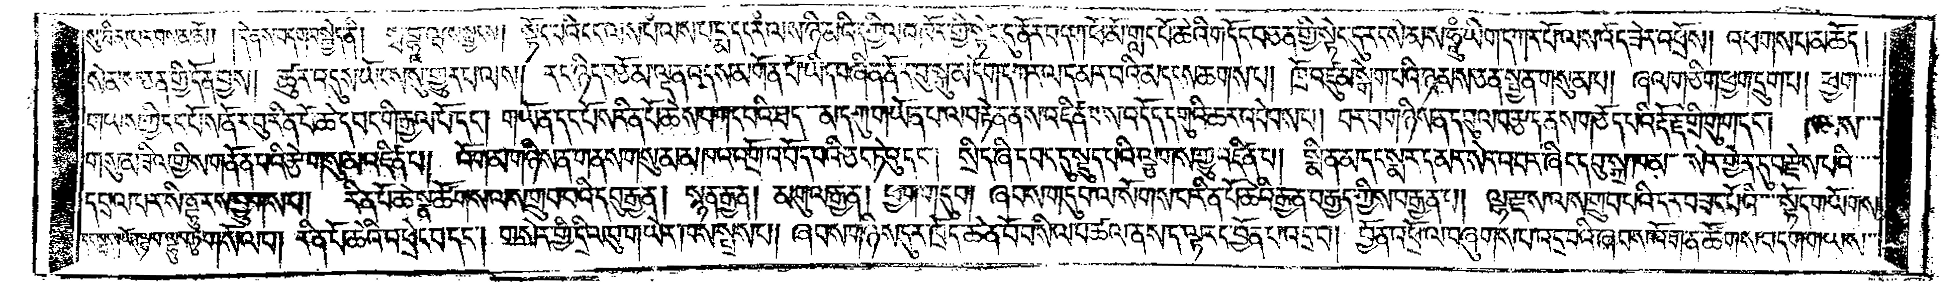སུ་ཐིམ་པར་བསམ་མོ། །དེ་ནས་བདག་བསྐྱེད་ནི། སྭ་བྷཱ་ཝས་སྦྱངས། སྟོང་པའི་ངང་ལས་པཾ་ལས་པདམ་དང་རཾ་ལས་ཉི་མའི་དཀྱིལ་འཁོར་གྱི་སྟེང་དུ་ནོར་བདག་ཕོ་མོ་གླང་པོ་ཆེའི་གདོང་བ་ཅན་གྱི་སྟེང་དུ་རང་སེམས་ཧཱུཾ་ཡིག་དཀར་པོ་ལས་འོད་ཟེར་འཕྲོས། འཕགས་པ་མཆོད།
སེམས་ཅན་གྱི་དོན་བྱས། ཚུར་འདུས་ཡོངས་སུ་གྱུར་པ་ལས། རང་ཉིད་བཅོམ་ལྡན་འདས་མགོན་པོ་ཡིད་བཞིན་ནོར་བུ་སྐུ་མདོག་དཀར་ལ་དམར་བའི་མདངས་ཆགས་པ། ཁྲོ་འཛུམ་སྒེག་པའི་ཉམས་ཅན་སྤྱན་གསུམ་པ། ཞལ་གཅིག་ཕྱག་དྲུག་པ། ཕྱག་
གཡས་ཀྱི་དང་པོས་ནོར་བུ་རིན་པོ་ཆེ་དབང་གི་རྒྱལ་པོ་དང་། གཡོན་དང་པོས་རིན་པོ་ཆེས་བཀང་བའི་ཐད་མ་དགུ་གཡོན་པ་ལ་བརྟེན་ནས་འཛིན་པས་འདོད་དགུའི་ཆར་འབེབས་པ། བར་བ་གཉིས་ན་དབུལ་བརྩད་ནས་གཅོད་པའི་རྡོ་རྗེ་གྲི་གུག་དང་། ཁམས་
གསུམ་ཟིལ་གྱིས་གནོན་པའི་རྩེ་གསུམ་འཛིན་པ། འོག་མ་གཉིས་ན་གནས་གསུམ་མཁའ་འགྲོ་འབོད་པའི་ཅང་ཏེའུ་དང་། སྲིད་ཞི་དབང་དུ་སྡུད་པའི་ལྕགས་ཀྱུ་འཛིན་པ། སྨིན་མ་དང་སྨར་དམར་སེར་འབར་ཞིང་དབུ་སྐྲ་ཁམ་སེར་གྱེན་དུ་བརྫེས་པའི་
དབྲལ་པར་སིནྷུ་རས་བྱུགས་པ། རིན་པོ་ཆེ་སྣ་ཚོགས་ལས་གྲུབ་པའི་དབུ་རྒྱན། སྙན་རྒྱན། མགུལ་རྒྱན། ཕྱག་གདུབ། ཞབས་གདུབ་ལ་སོགས་པ་རིན་པོ་ཆེའི་རྒྱན་བརྒྱད་ཀྱིས་བརྒྱན་པ། ལྷ་རྫས་ལས་གྲུབ་པའི་དར་བཟང་པོའི་སྟོད་གཡོགས་
དང་སྨད་གཡོགས་ལྷབ་ལྷུབ་ཏུ་གསོལ་བ། རིན་པོ་ཆེའི་འཕྲེང་བ་དང་། གསེར་གྱི་དྲིལ་བུ་གཡེར་ཁས་སྤྲས་པ། ཞབས་གཉིས་དུར་ཁྲོད་ཆེན་པོ་བསིལ་པ་ཚལ་ནས་ད་ལྟར་ང་བྱོན་པ་འདྲ་བ། བྱོན་འཕྲོ་ལ་བཞུགས་པ་འདྲ་བའི་ཞབས་འོག་ན་ཚོགས་བདག་གཡས་